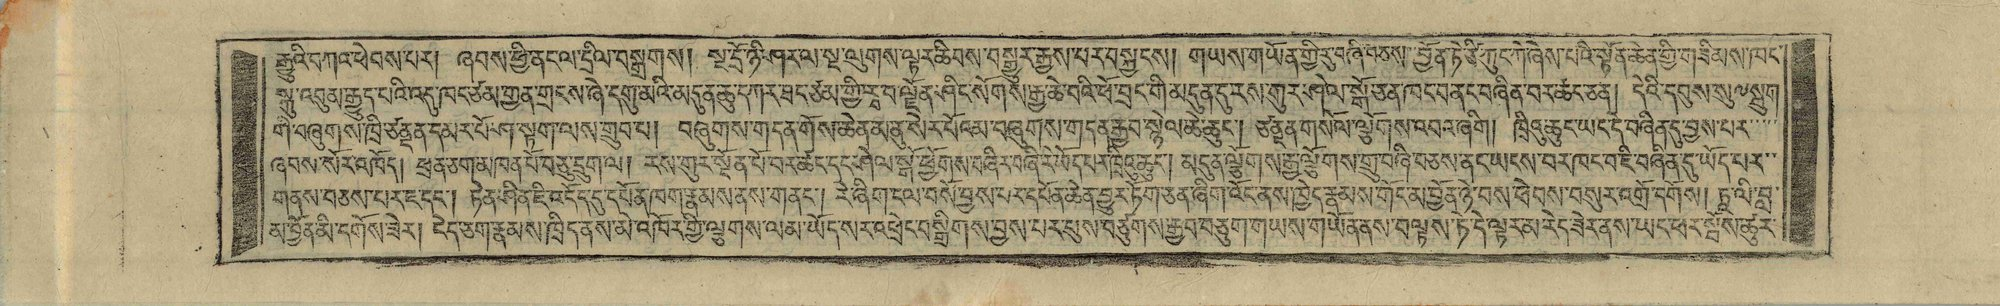རྒྱུའི་བཀའ་ཕེབས་པར། ཞབས་ཕྱི་ནང་ལ་དྲིལ་བསྒྲགས། སྔ་དྲོ་ཉི་ཤར་ལ་སྔ་ལུགས་ལྟར་ཆིབས་བསྒྱུར་རྒྱས་པར་བསྐྱངས། གཡས་གཡོན་གྱི་རུ་བཞི་བཅས་བྱོན་ཏེ་ཙི་ཀུང་ཀེ་ཞེས་པའི་སྟོན་ཆེན་གྱི་གཟིམས་ཁང་
སྐུ་འབུམ་རྒྱུད་པའི་འདུ་ཁང་ཙམ་གྱན་གྲངས་ཞེ་དགུ་མའི་མདུན་ཆུ་དཀར་ཐང་ཙམ་གྱི་རྭ་བ་ལྗོན་ཤིང་སོགས་རྒྱ་ཆེ་བའི་ཕོ་བྲང་གི་མདུན་དུ་རས་གུར་ཤེལ་སྒོ་ཅན་ཁང་བ་ནང་བཞིན་བར་ཚང་ཅན། དེའི་དབུས་སུ་༧སྦུག་
གི་བཞུགས་ཁྲི་ཙནྡན་དམར་པོ་ཤ་སྟག་ལས་གྲུབ་པ། བཞུགས་གདན་གོས་ཆེན་མ་ནུ་སེར་པོའམ་བཞུགས་གདན་རྒྱབ་སྙེལ་ཆེ་ཆུང་། ཙནྡན་གསོལ་ལྕོགས་འབར་ཞིག །ཁྲིའུ་ཆུང་ཡང་དེ་བཞིན་དུ་བྱས་པར་
ཞབས་སོར་འཁོད། ཕྲན་ཅག་མཁན་པོ་བཅུ་དྲུག་ལ། རས་གུར་སྔོན་པོ་བར་ཚང་དང་ཤེལ་སྒོ་ཕྱོགས་བཞིར་བཞི་རེ་ཡོད་པར་ཁྲིའུ་ཆུང་། མདུན་ལྕོགས་རྒྱ་ལྕོགས་གྲུ་བཞི་བཅས་ནང་ཡངས་བར་ཁང་བ་ཇི་བཞིན་དུ་ཡོད་པར་
གནས་བཅས་པར་ཇ་དང་། ཏེན་ཤིན་ཇི་འདོད་དུ་དཔོན་ཁག་རྣམས་ནས་གནང་། རེ་ཞིག་ངལ་བསོ་བྱས་པར་དཔོན་ཆེན་བྱུར་ཏོག་ཅན་ཞིག་འོང་ནས་ཁྱེད་རྣམས་གོང་མ་བྱོན་ཉེ་བས་ཕེབས་བསུར་འགྲོ་དགོས། ཏཱ་ལི་བླ་
མ་བྱོན་མི་དགོས་ཟེར། ངེད་ཅག་རྣམས་ཁྲིད་ནས་མེ་འཁོར་གྱི་ལྕགས་ལམ་ཡོད་སར་འཕྲེང་བསྒྲིགས་བྱས་པར་པུས་བཙུགས་རྒྱབ་བཅུག་གཡས་གཡོན་ནས་བལྟས་ཏེ་དེ་ལྟར་མ་རེད་ཟེར་ནས་ཡང་ཕར་སྦོས་ཚུར་